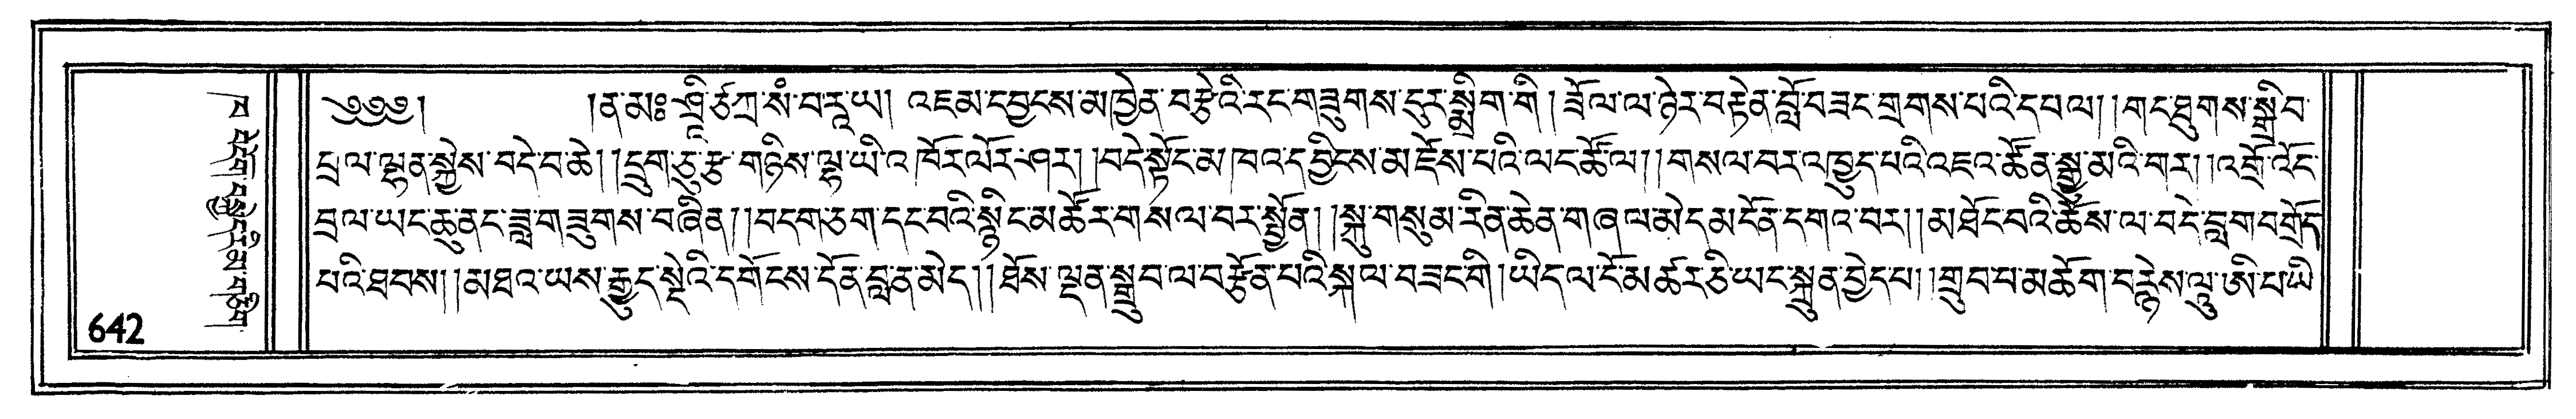༄༅༅། །ན་མཿ ཤྲཱི་ཙཀྲ་སཾ་པ་རཱ་ཡ། འཇམ་དབྱངས་མཁྱེན་བརྩེའི་རང་གཟུགས་ངུར་སྨྲིག་གི །ཟོལ་ལ་ཉེར་བརྟེན་བློ་བཟང་གྲགས་པའི་དཔལ། །གང་ཐུགས་སྒྲིབ་
བྲལ་ལྷན་སྐྱེས་བདེ་བ་ཆེ། །དྲུག་ཅུ་རྩ་གཉིས་ལྷ་ཡི་འཁོར་ལོར་ཤར། །བདེ་སྟོང་མཁའ་དབྱིངས་མཛེས་པའི་ལང་ཚོ་ལ། །གསལ་བར་འཁྱུད་པའི་འཇའ་ཚོན་སྒྱུ་མའི་གར། །འགྲོ་འོང་
བྲལ་ཡང་ཆུ་ནང་ཟླ་གཟུགས་བཞིན། །བདག་ཅག་དང་བའི་སྙིང་མཚོར་གསལ་བར་སྤྱོན། །སྐུ་གསུམ་རིན་ཆེན་གཞལ་མེད་མངོན་དགའ་བར། །མཐོང་བའི་ཆོས་ལ་བདེ་བླག་བགྲོད་
པའི་ཐབས། །མཐའ་ཡས་རྒྱུད་སྡེའི་དགོངས་དོན་བླ་ན་མེད། །ཐོས་ལྡན་སྒྲུབ་ལ་བརྩོན་པའི་སྐལ་བཟང་གི །ཡིད་ལ་ངོ་མཚར་ཅི་ཡང་སྐྲུན་བྱེད་པ། །གྲུབ་པ་མཆོག་བརྙེས་ལཱུ་ཨི་པ་ཡི་